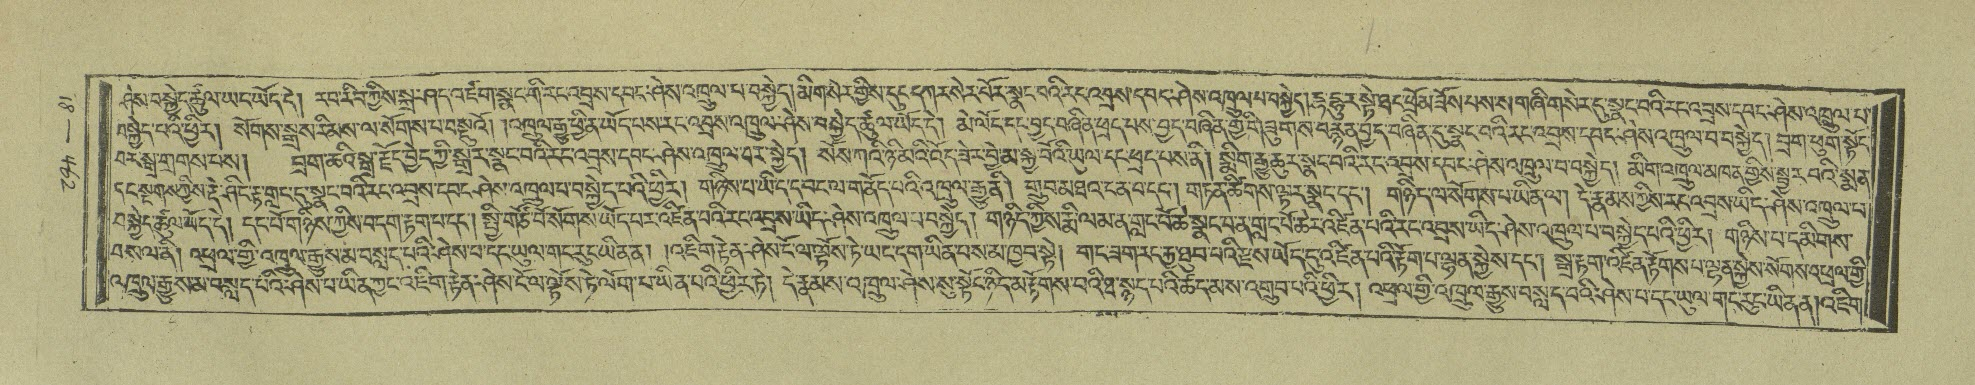ཤེས་བསྐྱེད་ཚུལ་ཡང་ཡོད་དེ། རབ་རིབ་ཀྱིས་སྐྲ་ཤད་འཛག་སྣང་གི་རང་འབྲས་དབང་ཤེས་འཁྲུལ་པ་བསྐྱེད། མིག་སེར་གྱིས་དུང་དཀར་སེར་པོར་སྣང་བའི་རང་འབྲས་དབང་ཤེས་འཁྲུལ་པ་བསྐྱེད། དྷ་དྷུ་ར་སྟེ་ཐང་ཕྲོམ་ཟོས་པས་ས་གཞི་གསེར་དུ་སྣང་བའི་རང་འབྲས་དབང་ཤེས་འཁྲུལ་པ་
བསྐྱེད་པའི་ཕྱིར། སོགས་སྒྲས་རིམས་ལ་སོགས་པ་བསྡུའོ། །འཁྲུལ་རྒྱུ་ཕྱི་ན་ཡོད་པས་རང་འབྲས་འཁྲུལ་ཤེས་བསྐྱེད་ཚུལ་ཡོད་དེ། མེ་ལོང་དང་བྱད་བཞིན་ཕྲད་པས་བྱད་བཞིན་གྱི་གཟུགས་བརྙན་བྱད་བཞིན་དུ་སྣང་བའི་རང་འབྲས་དབང་ཤེས་འཁྲུལ་པ་བསྐྱེད། བྲག་ཕུག་སྟོང་
བར་སྒྲ་གྲགས་པས། བྲག་ཆའི་སྒྲ་རྗོད་བྱེད་ཀྱི་སྒྲར་སྣང་བའི་རང་འབྲས་དབང་ཤེས་འཁྲུལ་པར་སྐྱེད། སོས་ཀའི་ཉི་མའི་འོད་ཟེར་བྱེ་མ་སྐྱ་བོའི་ཡུལ་དང་ཕྲད་པས་ནི། སྨིག་རྒྱུ་ཆུར་སྣང་བའི་རང་འབྲས་དབང་ཤེས་འཁྲུལ་བ་བསྐྱེད། མིག་འཁྲུལ་མཁན་གྱིས་སྦྱར་བའི་སྨན་
དང་སྔགས་ཀྱིས་རྡེ་ཤིང་རྟ་གླང་དུ་སྣང་བའི་རང་འབྲས་དབང་ཤེས་འཁྲུལ་པ་བསྐྱེད་པའི་ཕྱིར། གཉིས་པ་ཡིད་དབང་ལ་གནོད་པའི་འཁྲུལ་རྒྱུ་ནི། གྲུབ་མཐའ་ངན་པ་དང་། གཏན་ཚིགས་ལྟར་སྣང་དང་། གཉིད་ལ་སོགས་པ་ཡིན་ལ། དེ་རྣམས་ཀྱིས་རང་འབྲས་ཡིད་ཤེས་འཁྲུལ་པ་
བསྐྱེད་ཚུལ་ཡོད་དེ། དང་པོ་གཉིས་ཀྱིས་བདག་རྟག་པ་དང་། སྤྱི་གཙོ་བོ་སོགས་ཡོད་པར་འཛིན་པའི་རང་འབྲས་ཡིད་ཤེས་འཁྲུལ་པ་བསྐྱེད། གཉིད་ཀྱིས་རྨི་ལམ་ན་གླང་པོ་ཆེ་སྣང་བ་ན་གླང་པོ་ཆེར་འཛིན་པའི་རང་འབྲས་ཡིད་ཤེས་འཁྲུལ་པ་བསྐྱེད་པའི་ཕྱིར། གཉིས་པ་དམིགས་
བསལ་ནི། འཕྲལ་གྱི་འཁྲུལ་རྒྱུས་མ་བསླད་པའི་ཤེས་པ་དང་ཡུལ་གང་རུང་ཡིན་ན། །འཇིག་རྟེན་ཤེས་ངོ་ལ་ལྟོས་ཏེ་ཡང་དག་ཡིན་པས་མ་ཁྱབ་སྟེ། གང་ཟག་རང་རྐྱ་ཐུབ་པའི་རྫས་ཡོད་དུ་འཛིན་པའི་རྟོག་པ་ལྷན་སྐྱེས་དང་། སྒྲ་རྟག་འཛིན་རྟོགས་པ་ལྷན་སྐྱེས་སོགས་འཕྲལ་གྱི་
འཁྲུལ་རྒྱུས་མ་བསླད་པའི་ཤེས་པ་ཡིན་ཀྱང་འཇིག་རྟེན་ཤེས་ངོ་ལ་ལྟོས་ཏེ་ལོག་པ་ཡིན་པའི་ཕྱིར་ཏེ། དེ་རྣམས་འཁྲུལ་ཤེས་སུ་སྟོང་ཉིད་མ་རྟོགས་པའི་ཐ་སྙད་པའི་ཚད་མས་འགྲུབ་པའི་ཕྱིར། འཕྲལ་གྱི་འཁྲུལ་རྒྱུས་བསླད་པའི་ཤེས་པ་དང་ཡུལ་གང་རུང་ཡིན་ན། འཇིག་